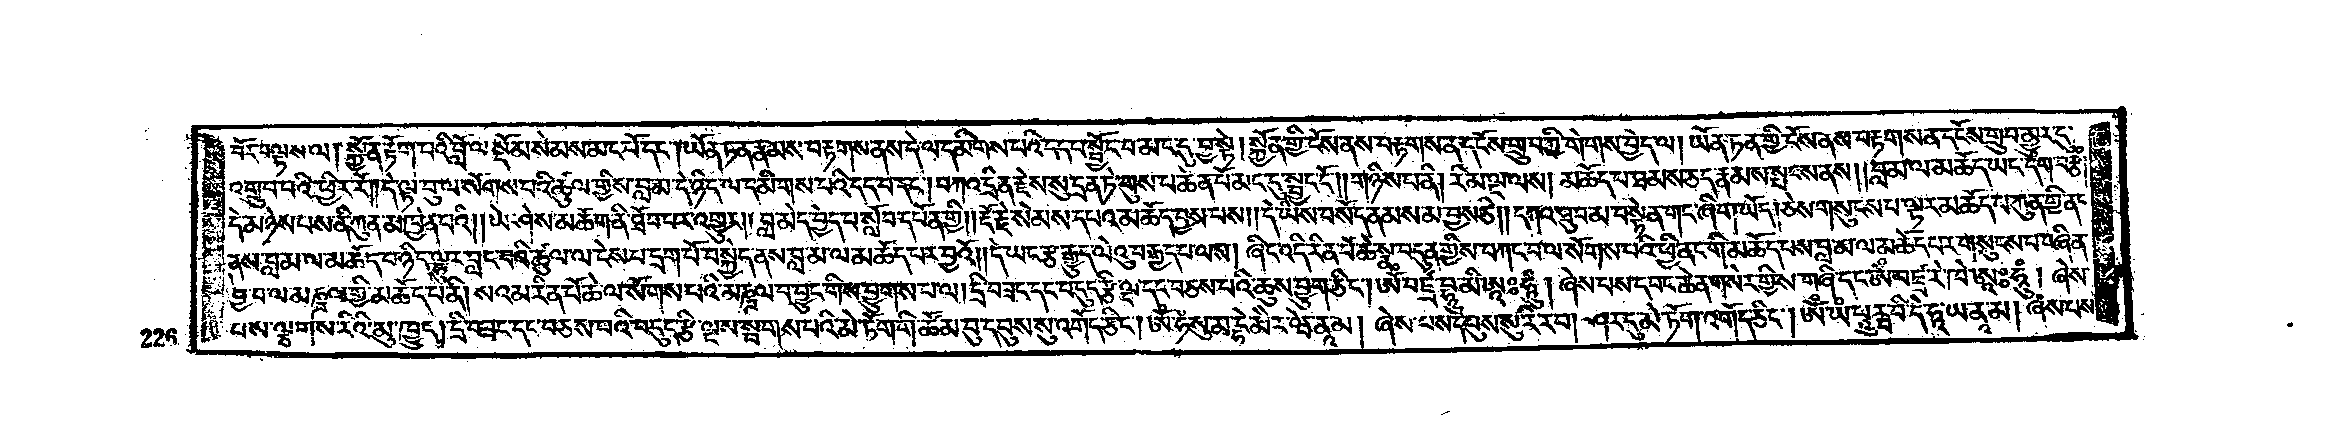བོར་བལྟས་ལ། སྐྱོན་རྟོག་པའི་བློ་ལ་སྡོམ་སེམས་མང་པོ་དང་། ཡོན་ཏན་རྣམས་བརྟགས་ནས་དེ་ལ་དམིགས་པའི་དད་པ་སྦྱོང་བ་མང་དུ་བྱ་སྟེ། སྐྱོན་གྱི་ངོས་ནས་བརྟགས་ན་དངོས་གྲུབ་ཀྱི་གེགས་བྱེད་ལ། ཡོན་ཏན་གྱི་ངོས་ནས་བརྟགས་ན་དངོས་གྲུབ་མྱུར་དུ་
འགྲུབ་པའི་ཕྱིར་རོ། །དེ་ལྟ་བུ་ལ་སོགས་པའི་ཚུལ་གྱིས་བླ་མ་དེ་ཉིད་ལ་དམིགས་པའི་དད་པ་དང་། བཀའ་དྲིན་རྗེས་སུ་དྲན་ཏེ་གུས་པ་ཆེན་པོ་མང་དུ་སྦྱང་ངོ། །གཉིས་པ་ནི། རིམ་ལྔ་ལས། མཆོད་པ་ཐམས་ཅད་རྣམས་སྤངས་ནས། །བླ་མ་ལ་མཆོད་ཡང་དག་བརྩ།
དེ་མཉེས་པས་ནི་ཀུན་མཁྱེན་པའི། །ཡེ་ཤེས་མཆོག་ནི་ཐོབ་པར་འགྱུར། །བླ་མེད་བྱེད་པ་སློབ་དཔོན་གྱི། །རྡོ་རྗེ་སེམས་དཔའ་མཆོད་བྱས་པས། །དེ་ཡིས་བསོད་ནམས་མ་བྱས་ཅི། །དཀའ་ཐུབ་མ་བསྟེན་གང་ཞིག་ཡོད། ཅེས་གསུངས་པ་ལྟར་མཆོད་པ་ཀུན་གྱི་ནང་
ནས་བླ་མ་ལ་མཆོད་པ་ཉིད་ལྷུར་བླང་བའི་ཚུལ་ལ་ངེས་པ་དྲག་པོ་བསྐྱེད་ནས་བླ་མ་ལ་མཆོད་པར་བྱའོ། །དེ་ཡང་རྩ་རྒྱུད་ལེའུ་བརྒྱད་པ་ལས། ཞིང་འདི་རིན་པོ་ཆེ་སྣ་བདུན་གྱིས་བཀང་བ་ལ་སོགས་པའི་ཕྱི་ནང་གི་མཆོད་པས་བླ་མ་ལ་མཆོད་པར་གསུངས་པ་བཞིན་
བྱ་བ་ལ་མཎྜལ་གྱི་མཆོད་པ་ནི། སའམ་རིན་པོ་ཆེ་ལ་སོགས་པའི་མཎྜལ་བ་བྱུང་གིས་བྱུགས་པ་ལ། དྲི་བཟང་དང་བདུད་རྩི་ལྔ་དང་བཅས་པའི་ཆུས་བྱུག་ཅིང་། ཨོཾ་བཛྲ་བྷཱུ་མི་ཨཱཿ ཧཱུཾ། ཞེས་པས་དབང་ཆེན་གསེར་གྱིས་གཞི་དང་ཨོཾ་བཛྲ་རེ་ཁེ་ཨཱཿ ཧཱུཾ། ཞེས་
པས་ལྕགས་རིའི་མུ་ཁྱུད། དྲི་བཟང་དང་བཅས་པའི་བདུད་རྩི་ལྔས་སྦགས་པའི་མེ་ཏོག་གི་ཚོམ་བུ་དབུས་སུ་འགོད་ཅིང་། ཨོཾ་ཧཾ་སུ་མ་དྷེ་མཻ་ར་ཝེ་ནཱ་མ། ཞེས་པས་དབུས་སུ་རི་རབ། ཤར་དུ་མེ་ཏོག་འགོད་ཅིང་། ཨོཾ་ཡཾ་པཱུརྦ་བི་དེ་ཧཱ་ཡ་ནཱ་མ། ཞེས་པས་